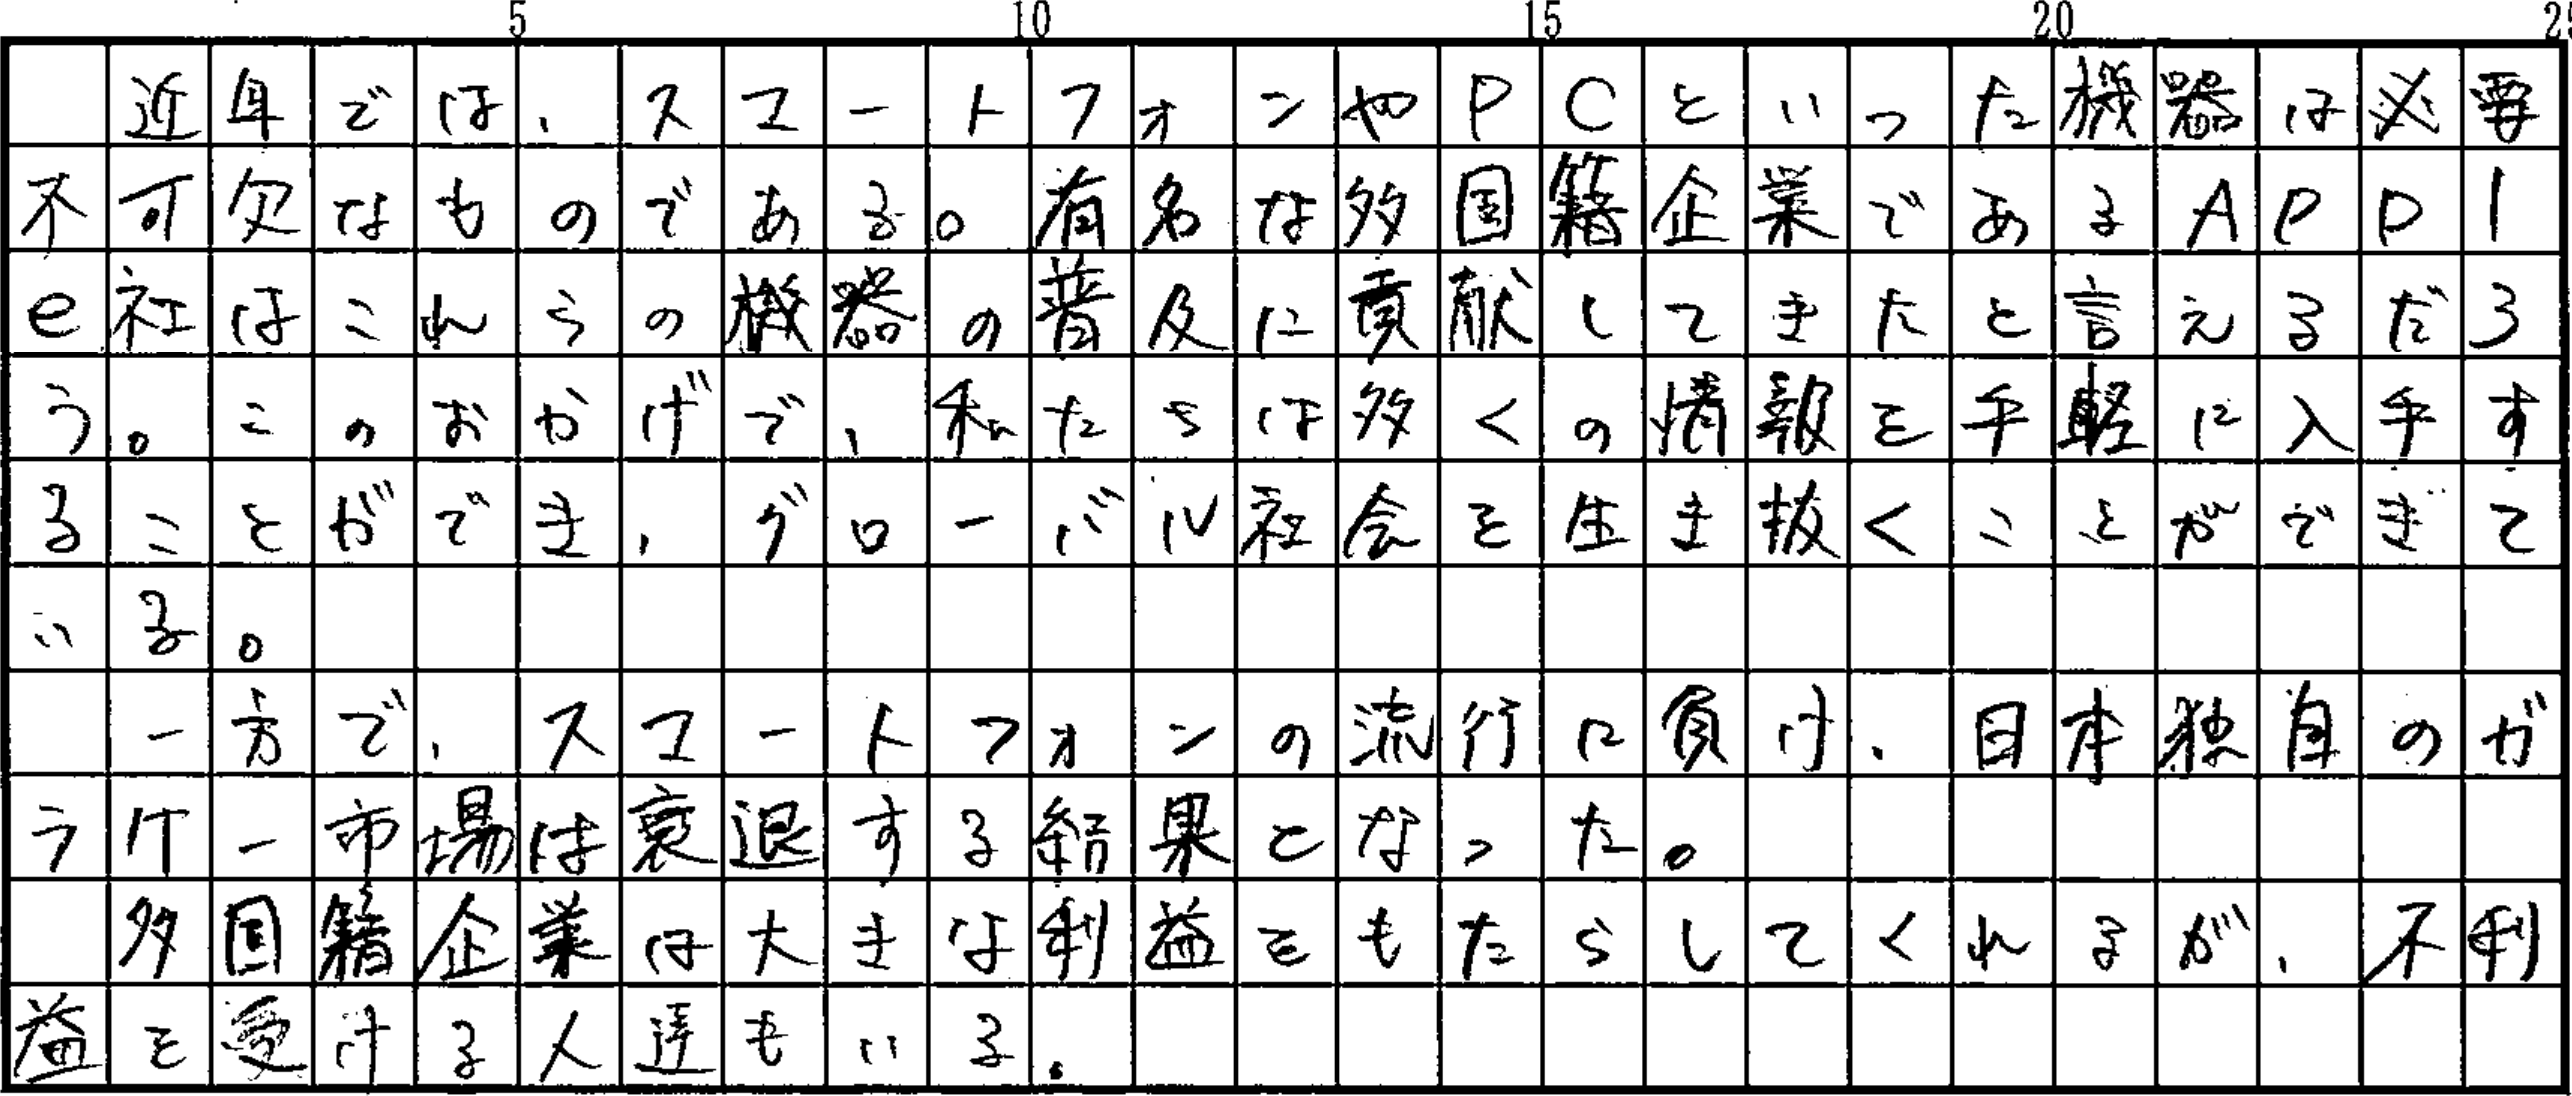　近年では、スマートフォンやＰＣといった機器は必要不可欠なものである。有名な多国籍企業であるＡｐｐｌｅ社はこれらの機器の普及に貢献してきたと言えるだろう。このおかげで、私たちは多くの情報を手軽に入手することができ、グローバル社会を生き抜くことができている。
　一方で、スマートフォンの流行に負け、日本独自のガラケー市場は衰退する結果となった。
　多国籍企業は大きな利益をもたらしてくれるが、不利益を受ける人達もいる。
